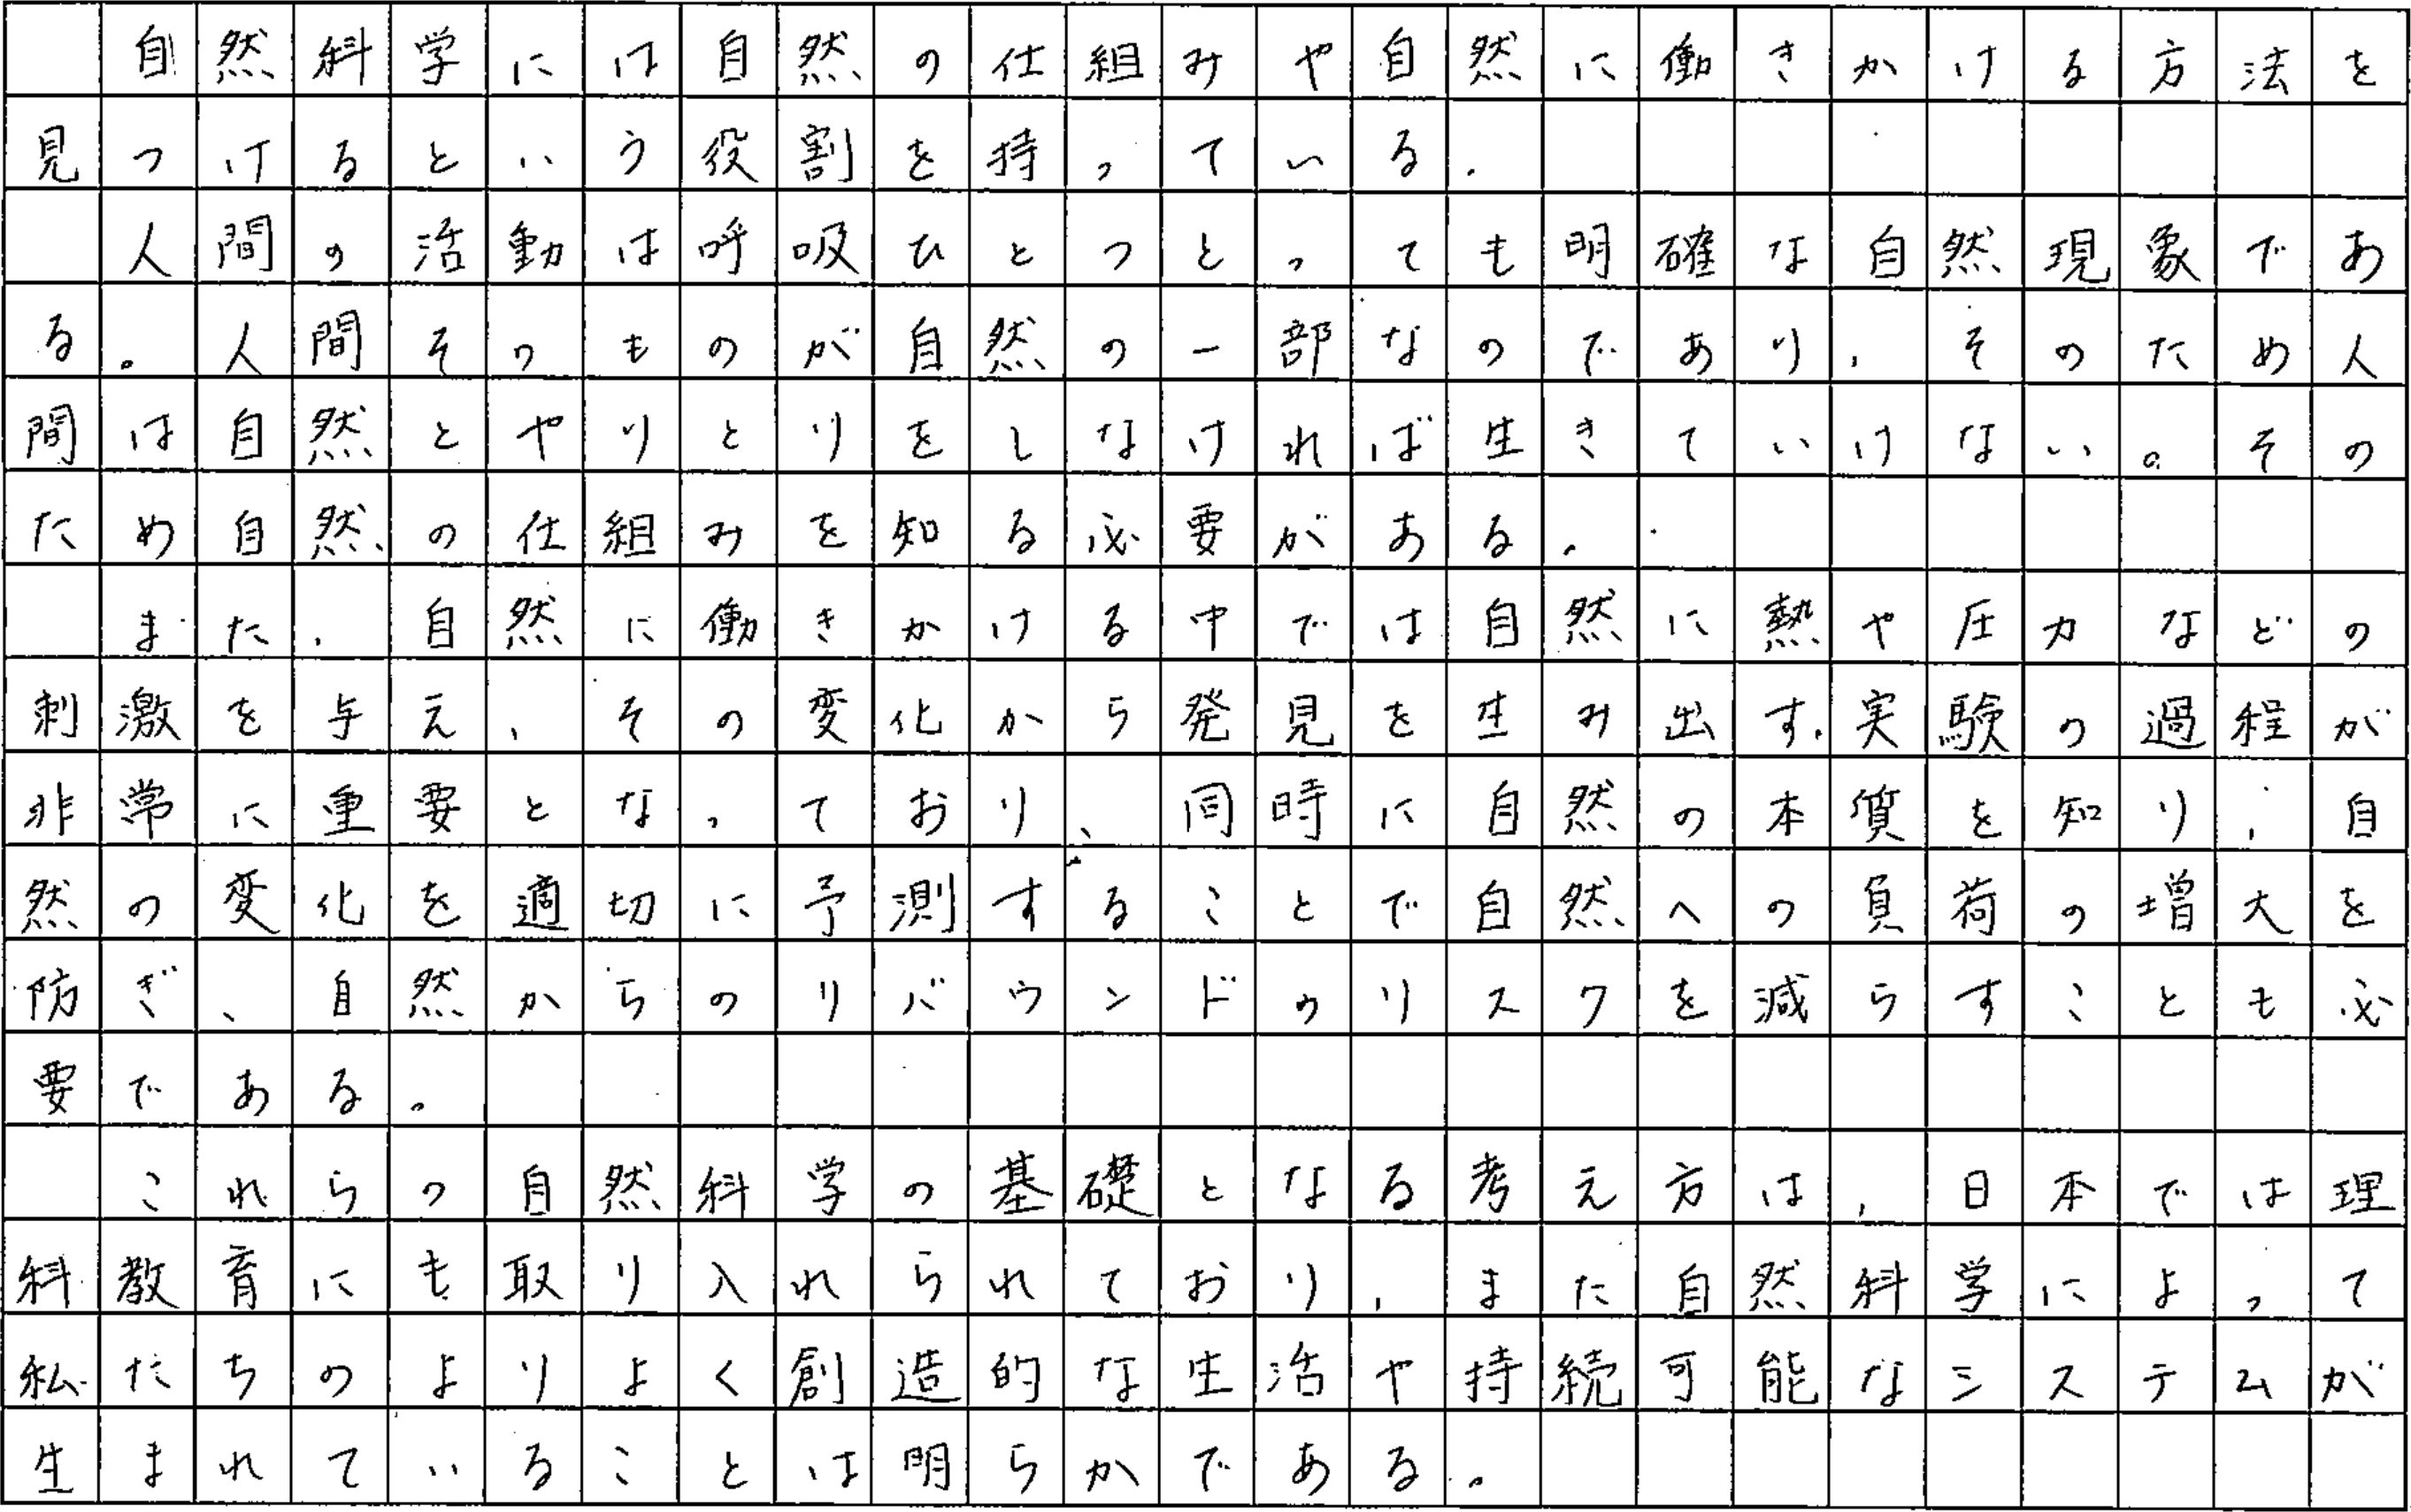　自然科学には自然の仕組みや自然に働きかける方法を見つけるという役割を持っている。
　人間の活動は呼吸ひとつとっても明確な自然現象である。人間そのものが自然の一部なのであり、そのため人間は自然とやりとりをしなければ生きていけない。そのため自然の仕組みを知る必要がある。
　また、自然に働きかける中では自然に熱や圧力などの刺激を与え、その変化から発見を生み出す実験の過程が非常に重要となっており、同時に自然の本質を知り、自然の変化を適切に予測することで自然への負荷の増大を防ぎ、自然からのリバウンドのリスクを減らすことも必要である。
　これらの自然科学の基礎となる考え方は、日本では理科教育にも取り入れられており、また自然科学によって私たちのよりよく創造的な生活や持続可能なシステムが生まれていることは明らかである。
